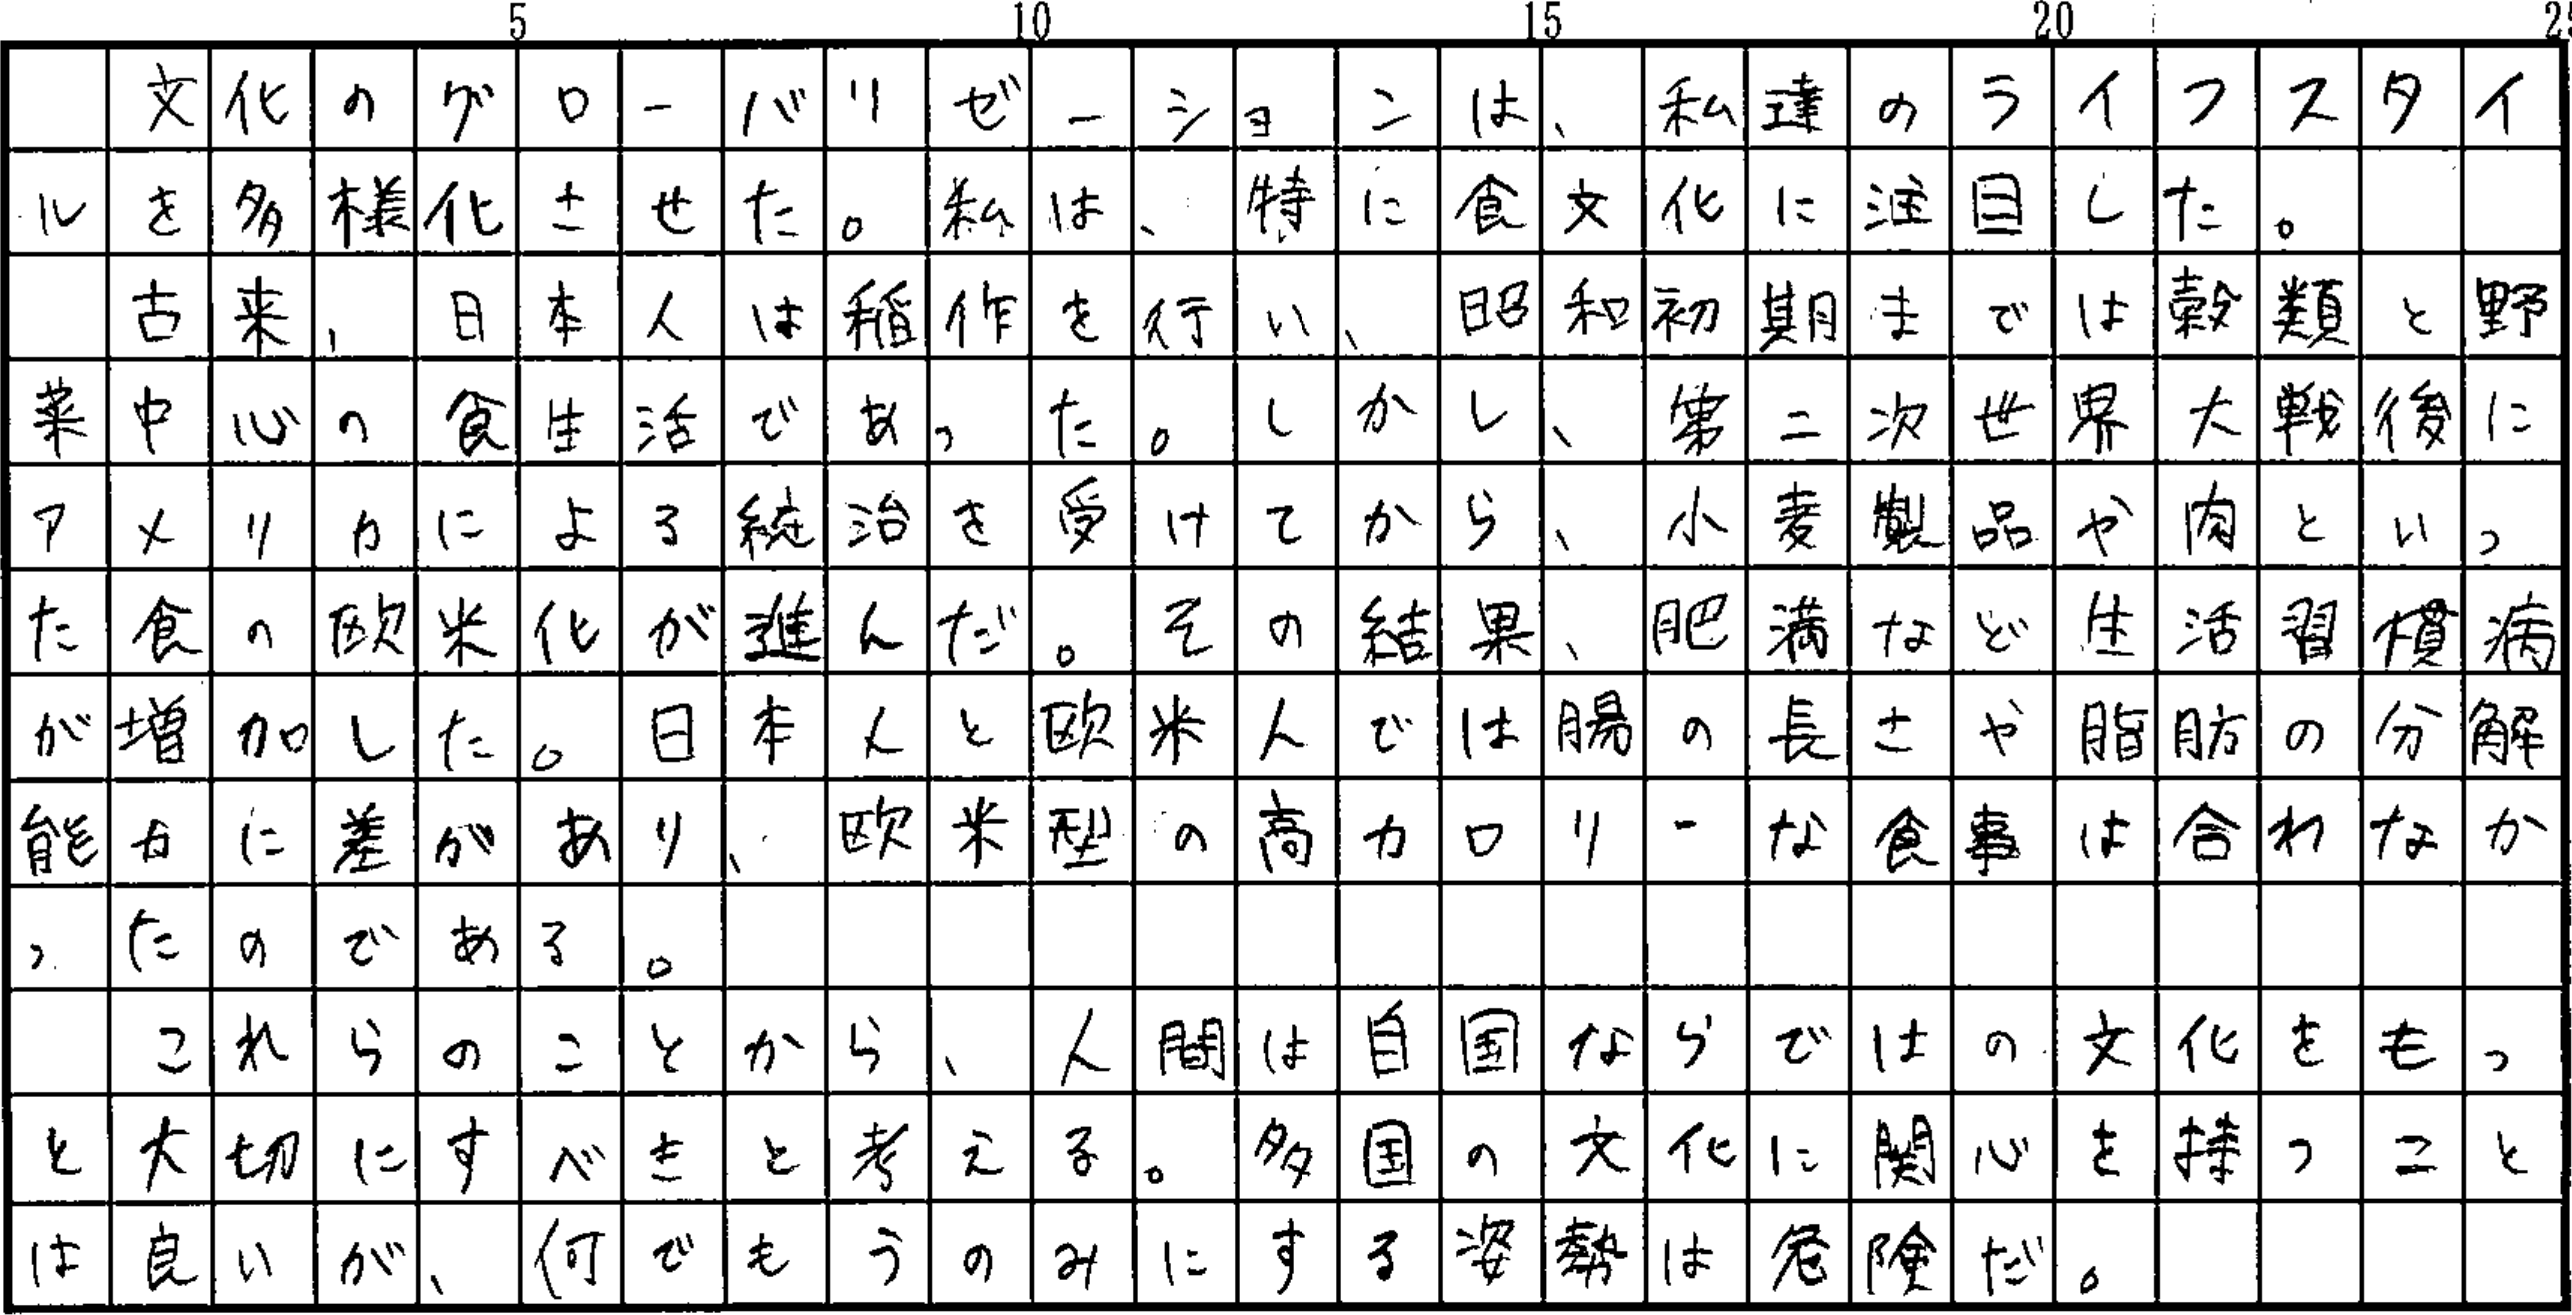　文化のグローバリゼーションは、私達のライフスタイルを多様化させた。私は、特に食文化に注目した。
　古来、日本人は稲作を行い、昭和初期までは穀類と野菜中心の食生活であった。しかし、第二次世界大戦後にアメリカによる統治を受けてから、小麦製品や肉といった食の欧米化が進んだ。その結果、肥満など生活習慣病が増加した。日本人と欧米人では腸の長さや脂肪の分解能力に差があり、欧米型の高カロリーな食事は合わなかったのである。
　これらのことから、人間は自国ならではの文化をもっと大切にすべきと考える。多国の文化に関心を持つことは良いが、何でもうのみにする姿勢は危険だ。
